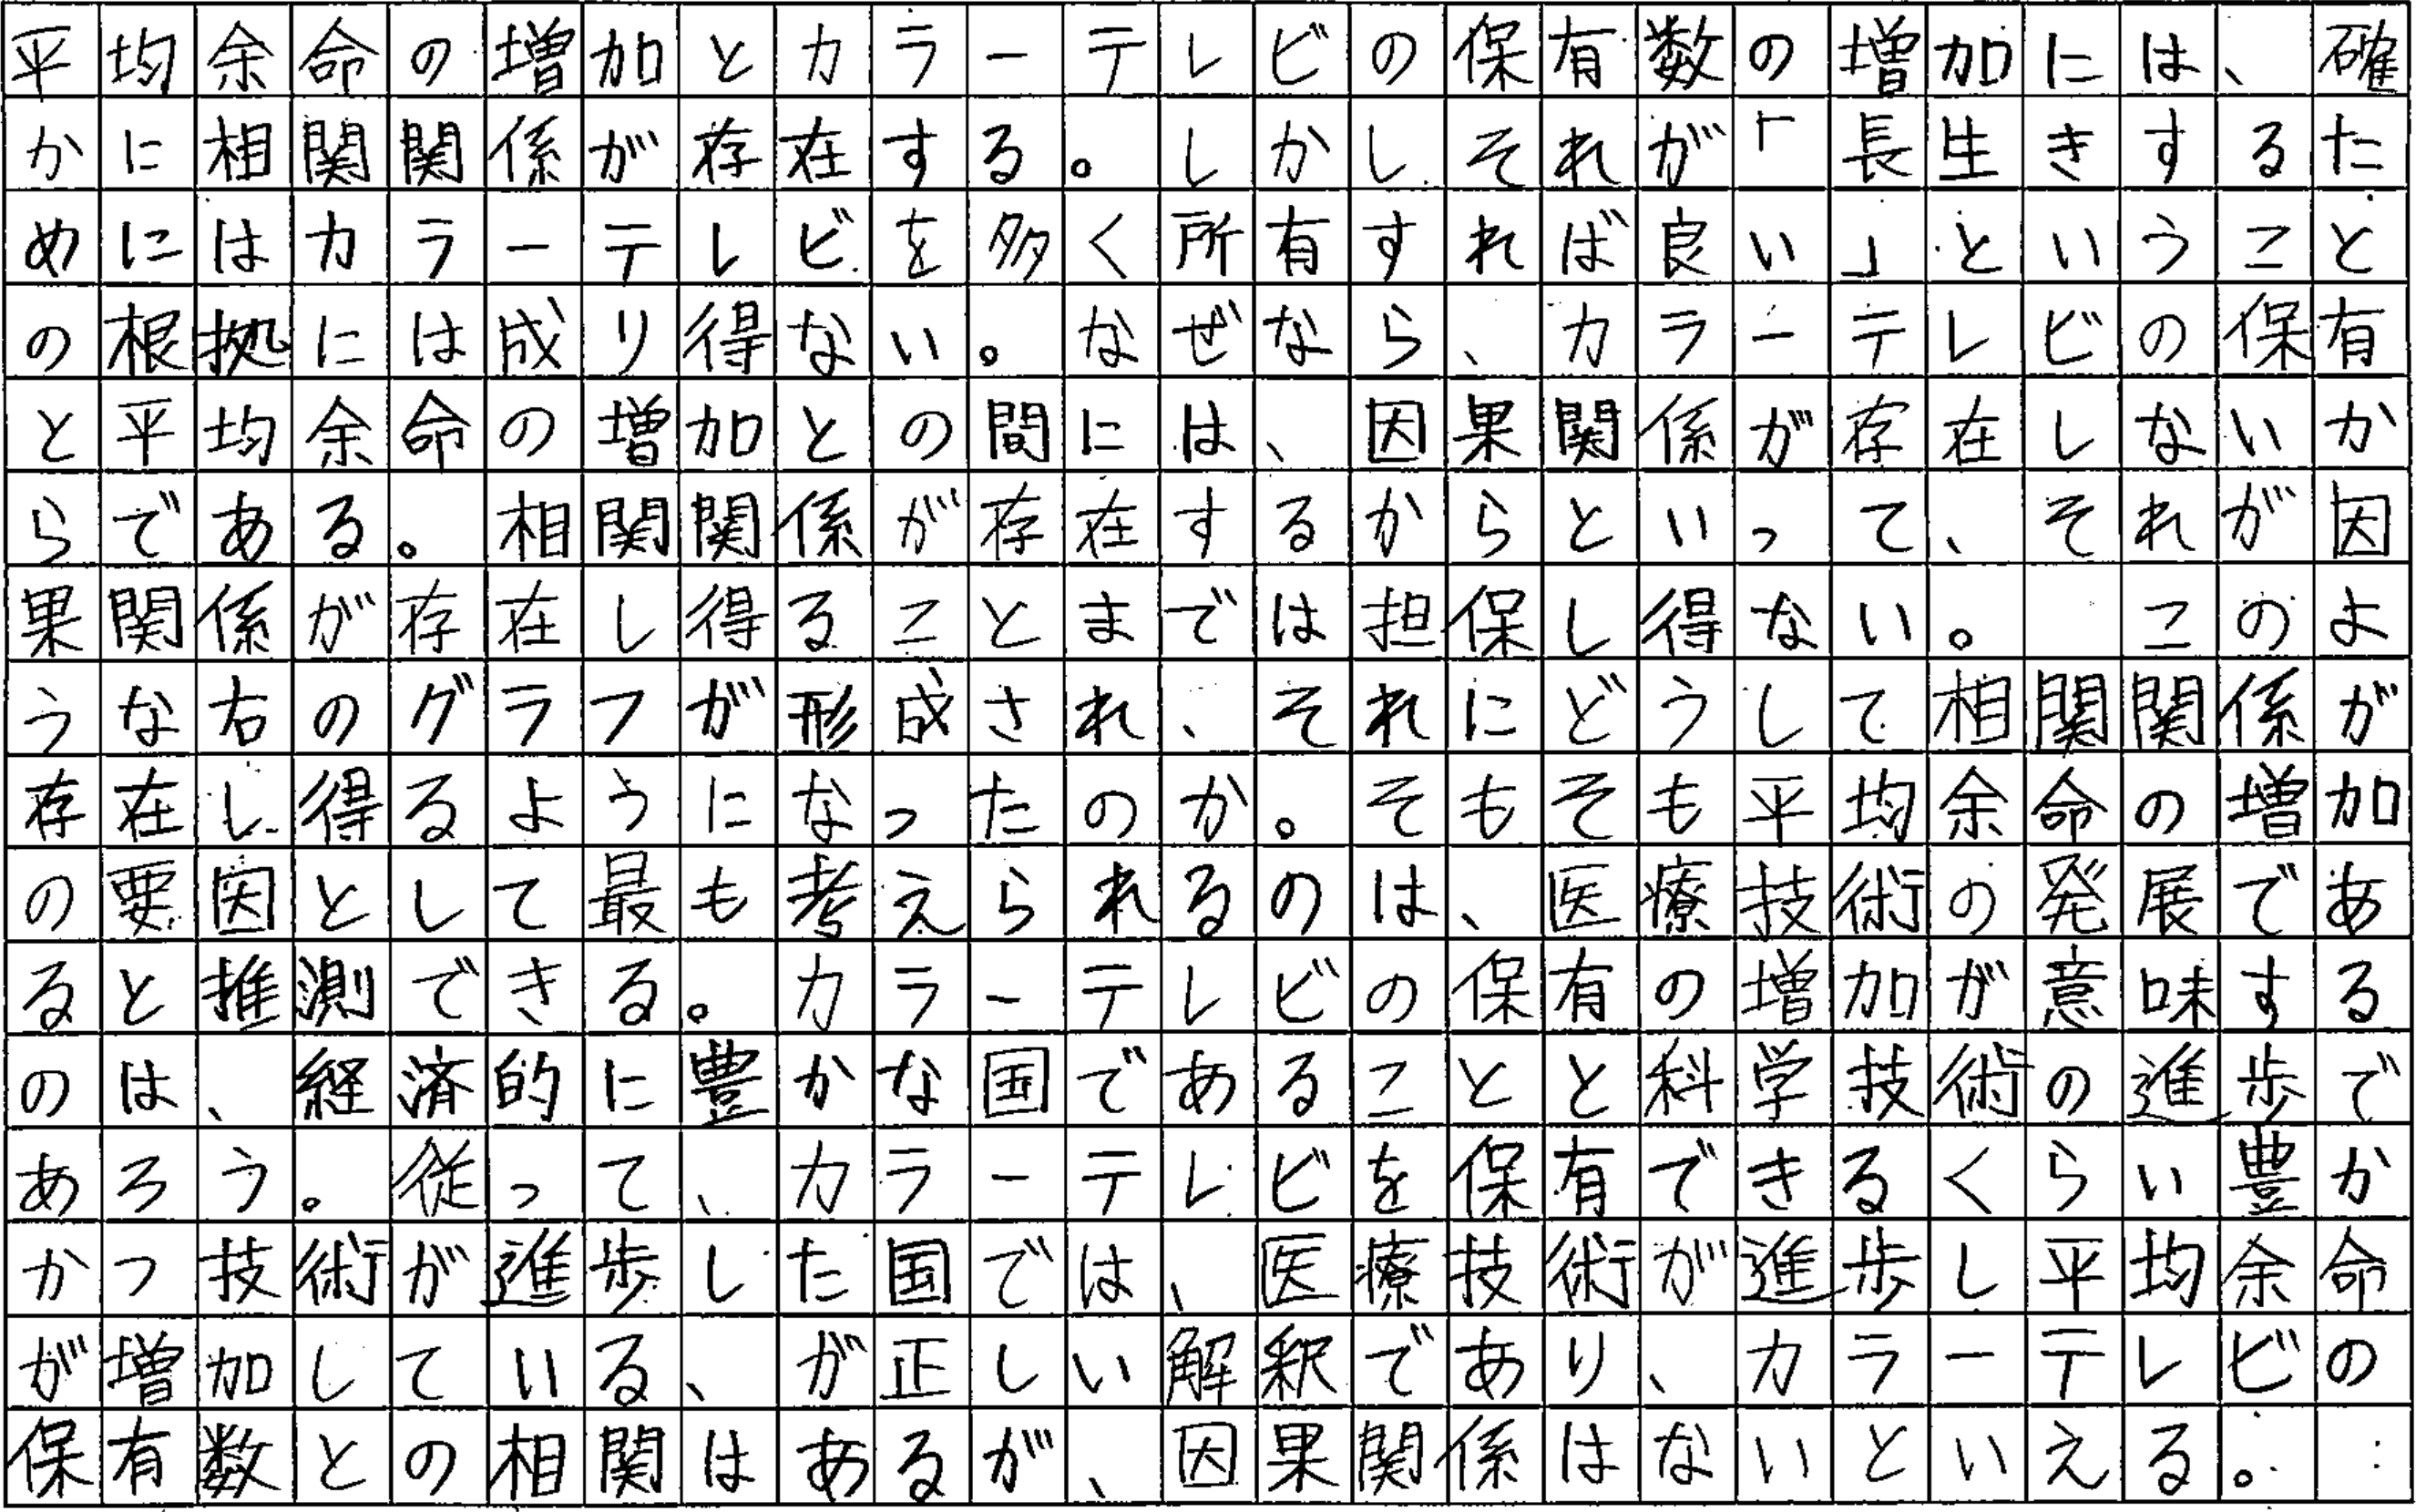平均余命の増加とカラーテレビの保有数の増加には、確かに相関関係が存在する。しかしそれが「長生きするためにはカラーテレビを多く所有すれば良い」ということの根拠には成り得ない。なぜなら、カラーテレビの保有と平均余命の増加との間には、因果関係が存在しないからである。相関関係が存在するからといって、それが因果関係が存在し得ることまでは担保し得ない。　このような右のグラフが形成され、それにどうして相関関係が存在し得るようになったのか。そもそも平均余命の増加の要因として最も考えられるのは、医療技術の発展であると推測できる。カラーテレビの保有の増加が意味するのは、経済的に豊かな国であることと科学技術の進歩であろう。従って、カラーテレビを保有できるくらい豊かかつ技術が進歩した国では、医療技術が進歩し平均余命が増加している、が正しい解釈であり、カラーテレビの保有数との相関はあるが、因果関係はないといえる。
